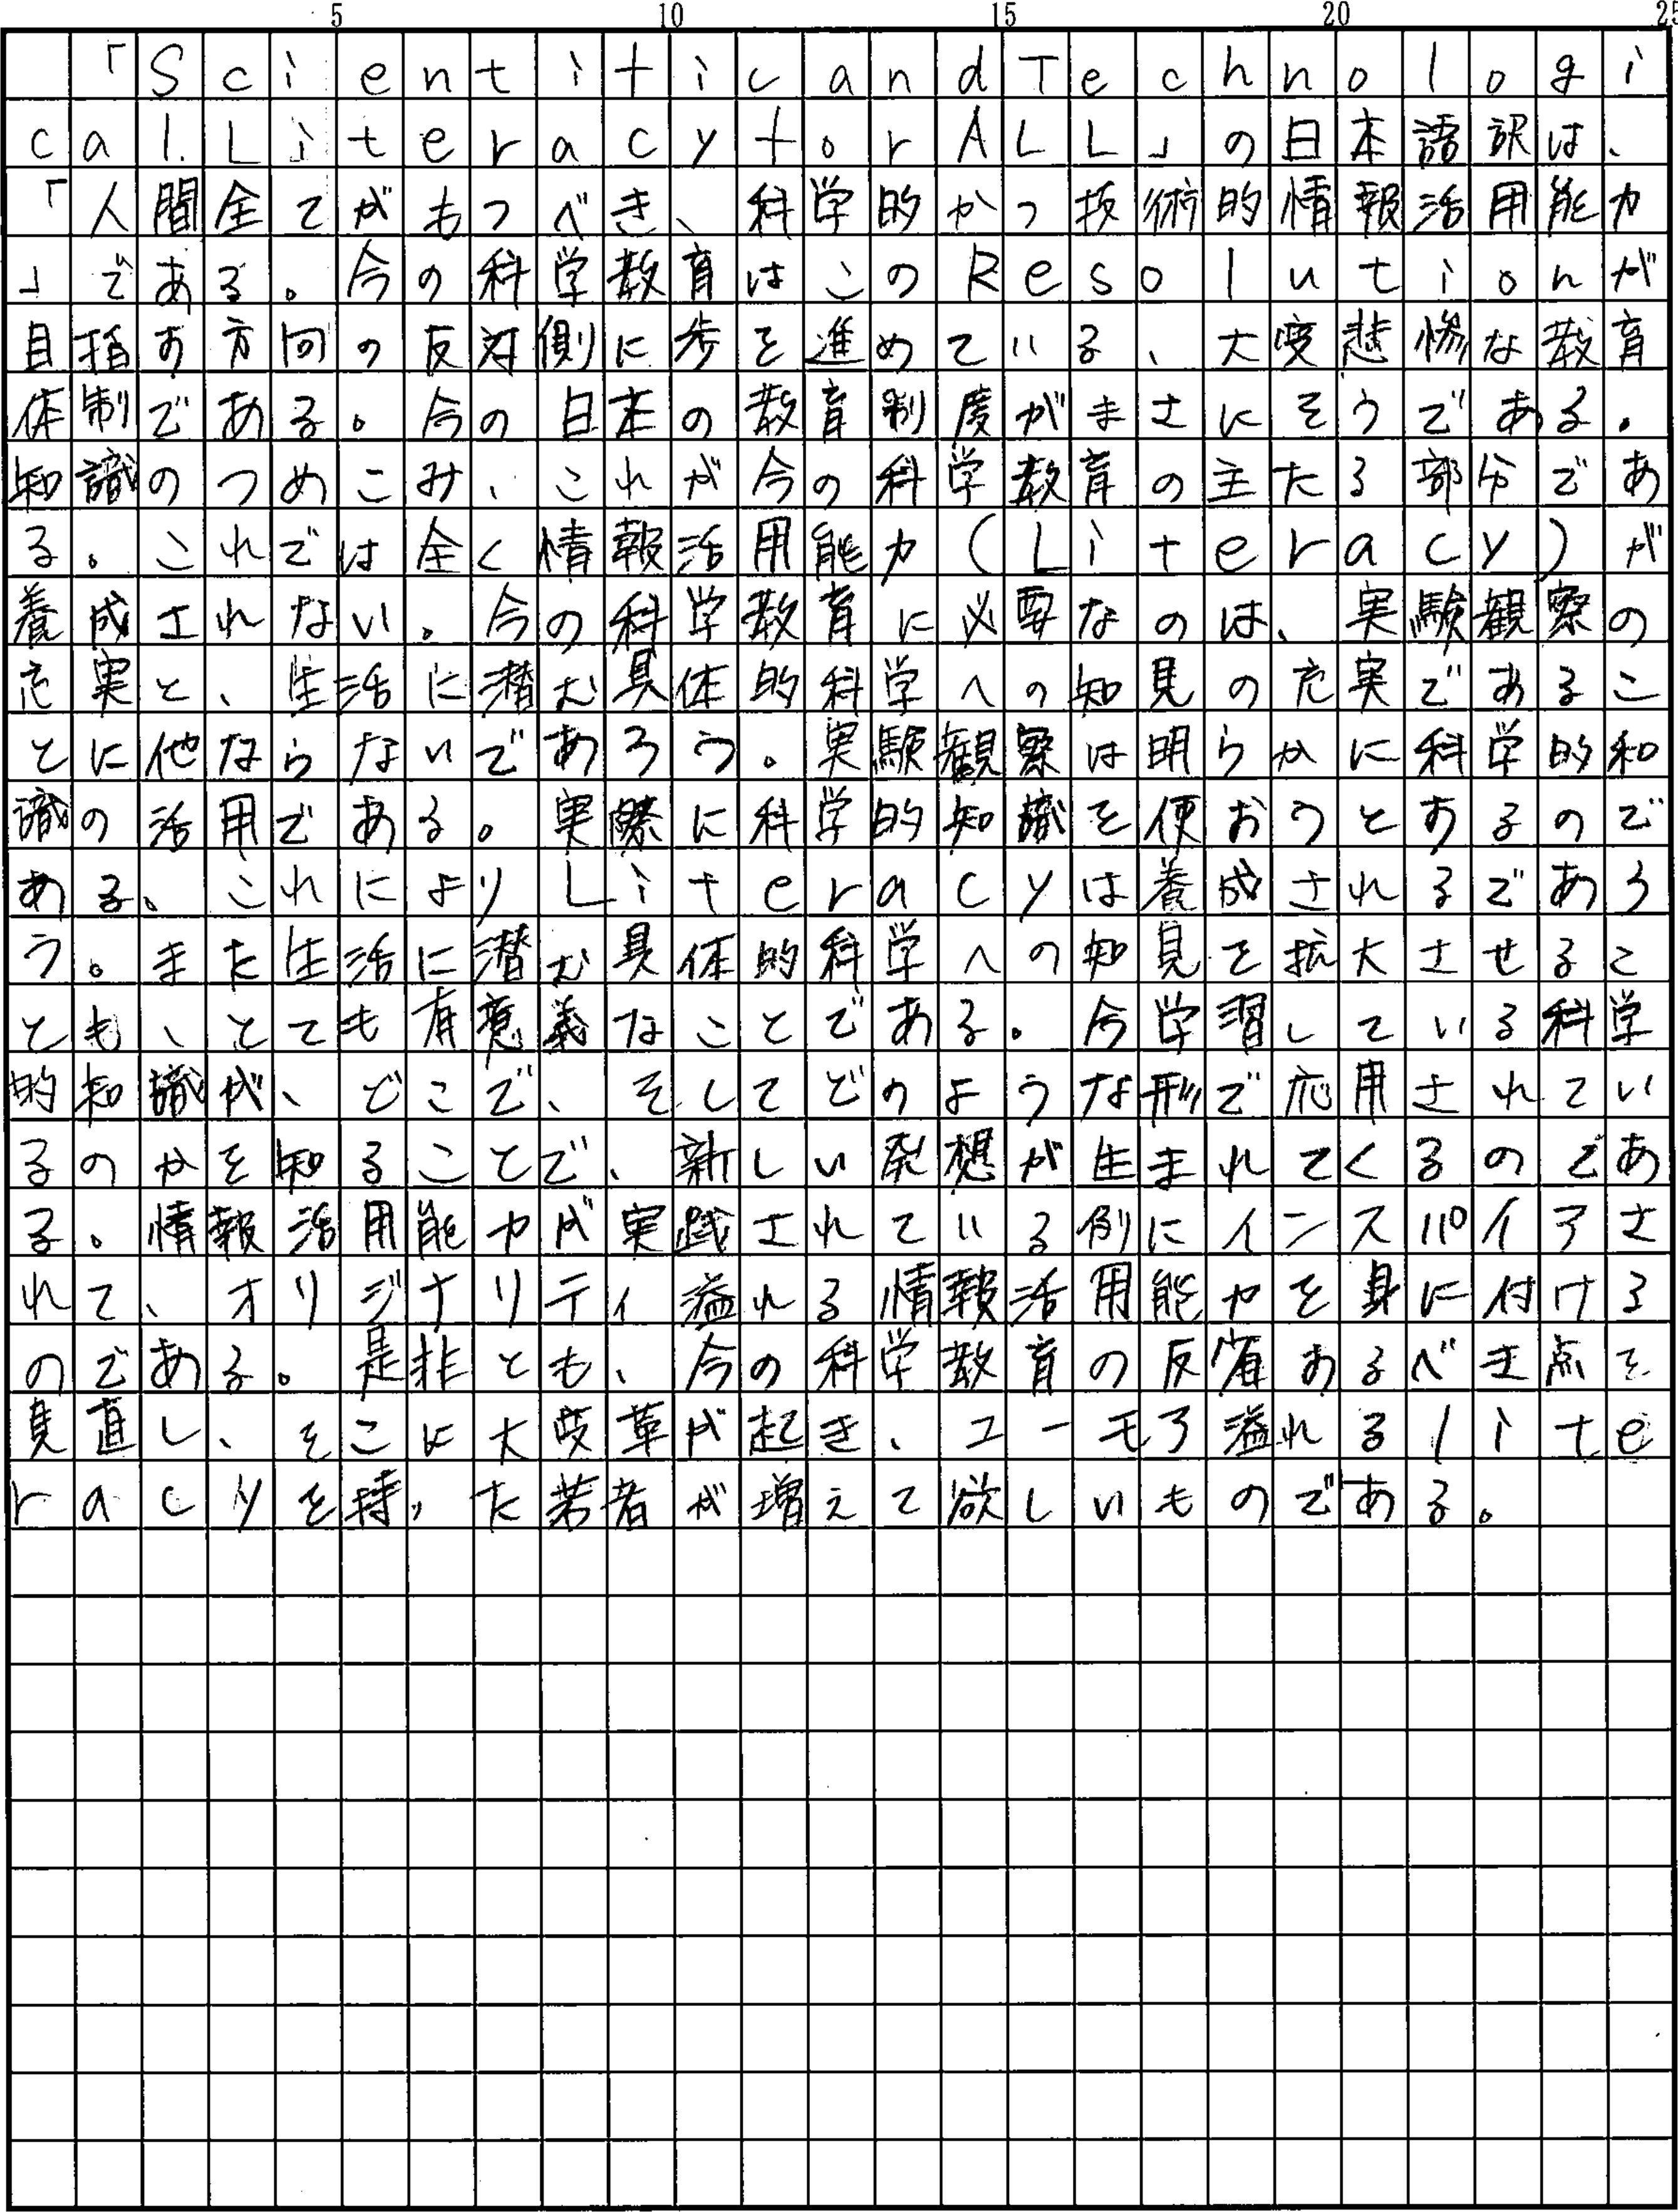　「ＳｃｉｅｎｔｉｔｉｃａｎｄＴｅｃｈｎｏｌｏｇｉｃａｌＬｉｔｅｒａｃｙｆｏｒＡＬＬ」の日本語訳は、「人間全てがもつべき、科学的かつ技術的情報活用能力」である。今の科学教育はこのＲｅｓｏｌｕｔｉｏｎが目指す方向の反対側に歩を進めている、大変悲惨な教育体制である。今の日本の教育制度がまさにそうである。知識のつめこみ、これが今の科学教育の主たる部分である。これでは全く情報活用能力（Ｌｉｔｅｒａｃｙ）が養成されない。今の科学教育に必要なのは、実験観察の充実と、生活に潜む具体的科学への知見の充実であることに他ならないであろう。実験観察は明らかに科学的和識の活用である。実際に科学的知識を使おうとするのである。これによりＬｉｔｅｒａｃｙは養成されるであろう。また生活に潜む具体的科学への知見を拡大させることも、とても有意義なことである。今学習している科学的知識が、どこで、そしてどのような形で応用されているのかを知ることで、新しい発想が生まれてくるのである。情報活用能力が実践されている例にインスパイアされて、オリジナリティ溢れる情報活用能力を身に付けるのである。是非とも、今の科学教育の反省するべき点を見直し、そこに大変革が起き、ユーモア溢れるｌｉｔｅｒａｃｙを持った若者が増えて欲しいものである。
